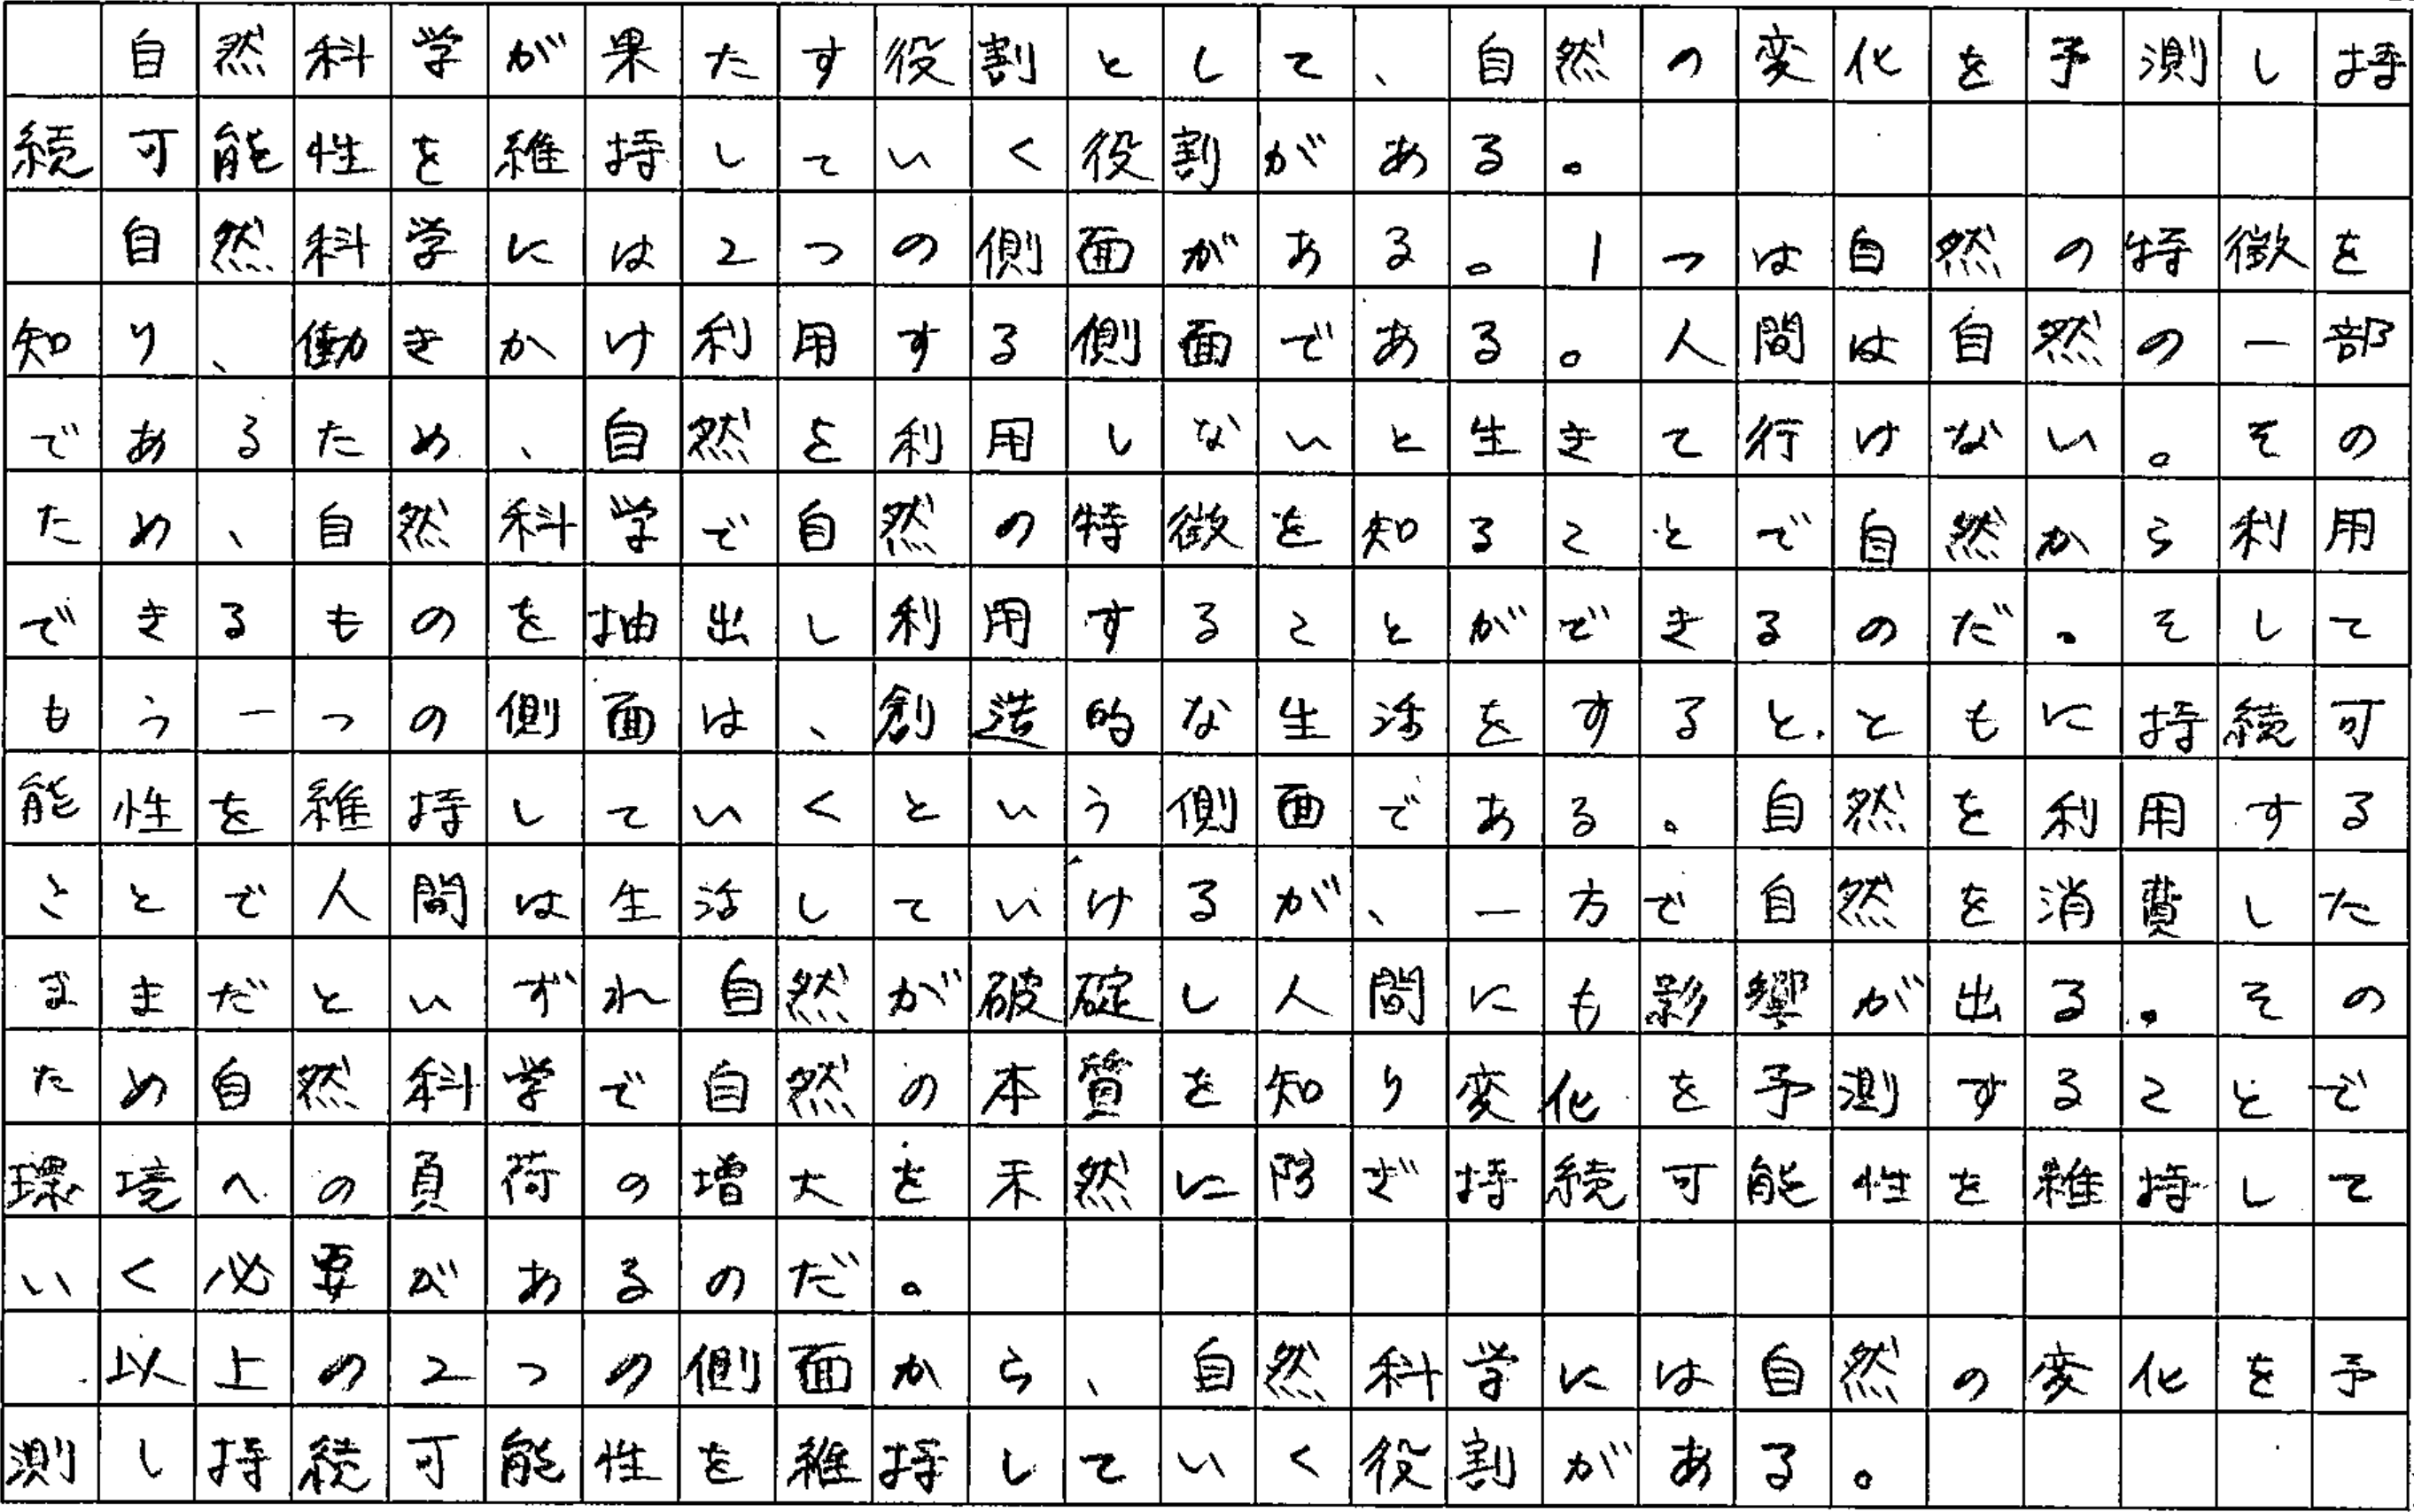　自然科学が果たす役割として、自然の変化を予測し持続可能性を維持していく役割がある。
　自然科学には２つの側面がある。１つは自然の特徴を知り、働きかけ利用する側面である。人間は自然の一部であるため、自然を利用しないと生きて行けない。そのため、自然科学で自然の特徴を知ることで自然から利用できるものを抽出し利用することができるのだ。そしてもう一つの側面は、創造的な生活をするとともに持続可能性を維持していくという側面である。自然を利用することで人間は生活していけるが、一方で自然を消費したままだといずれ自然が破碇し人間にも影響が出る。そのため自然科学で自然の本質を知り変化を予測することで環境への負荷の増大を未然に防ぎ持続可能性を維持していく必要があるのだ。
　以上の２つの側面から、自然科学には自然の変化を予測し持続可能性を維持していく役割がある。
